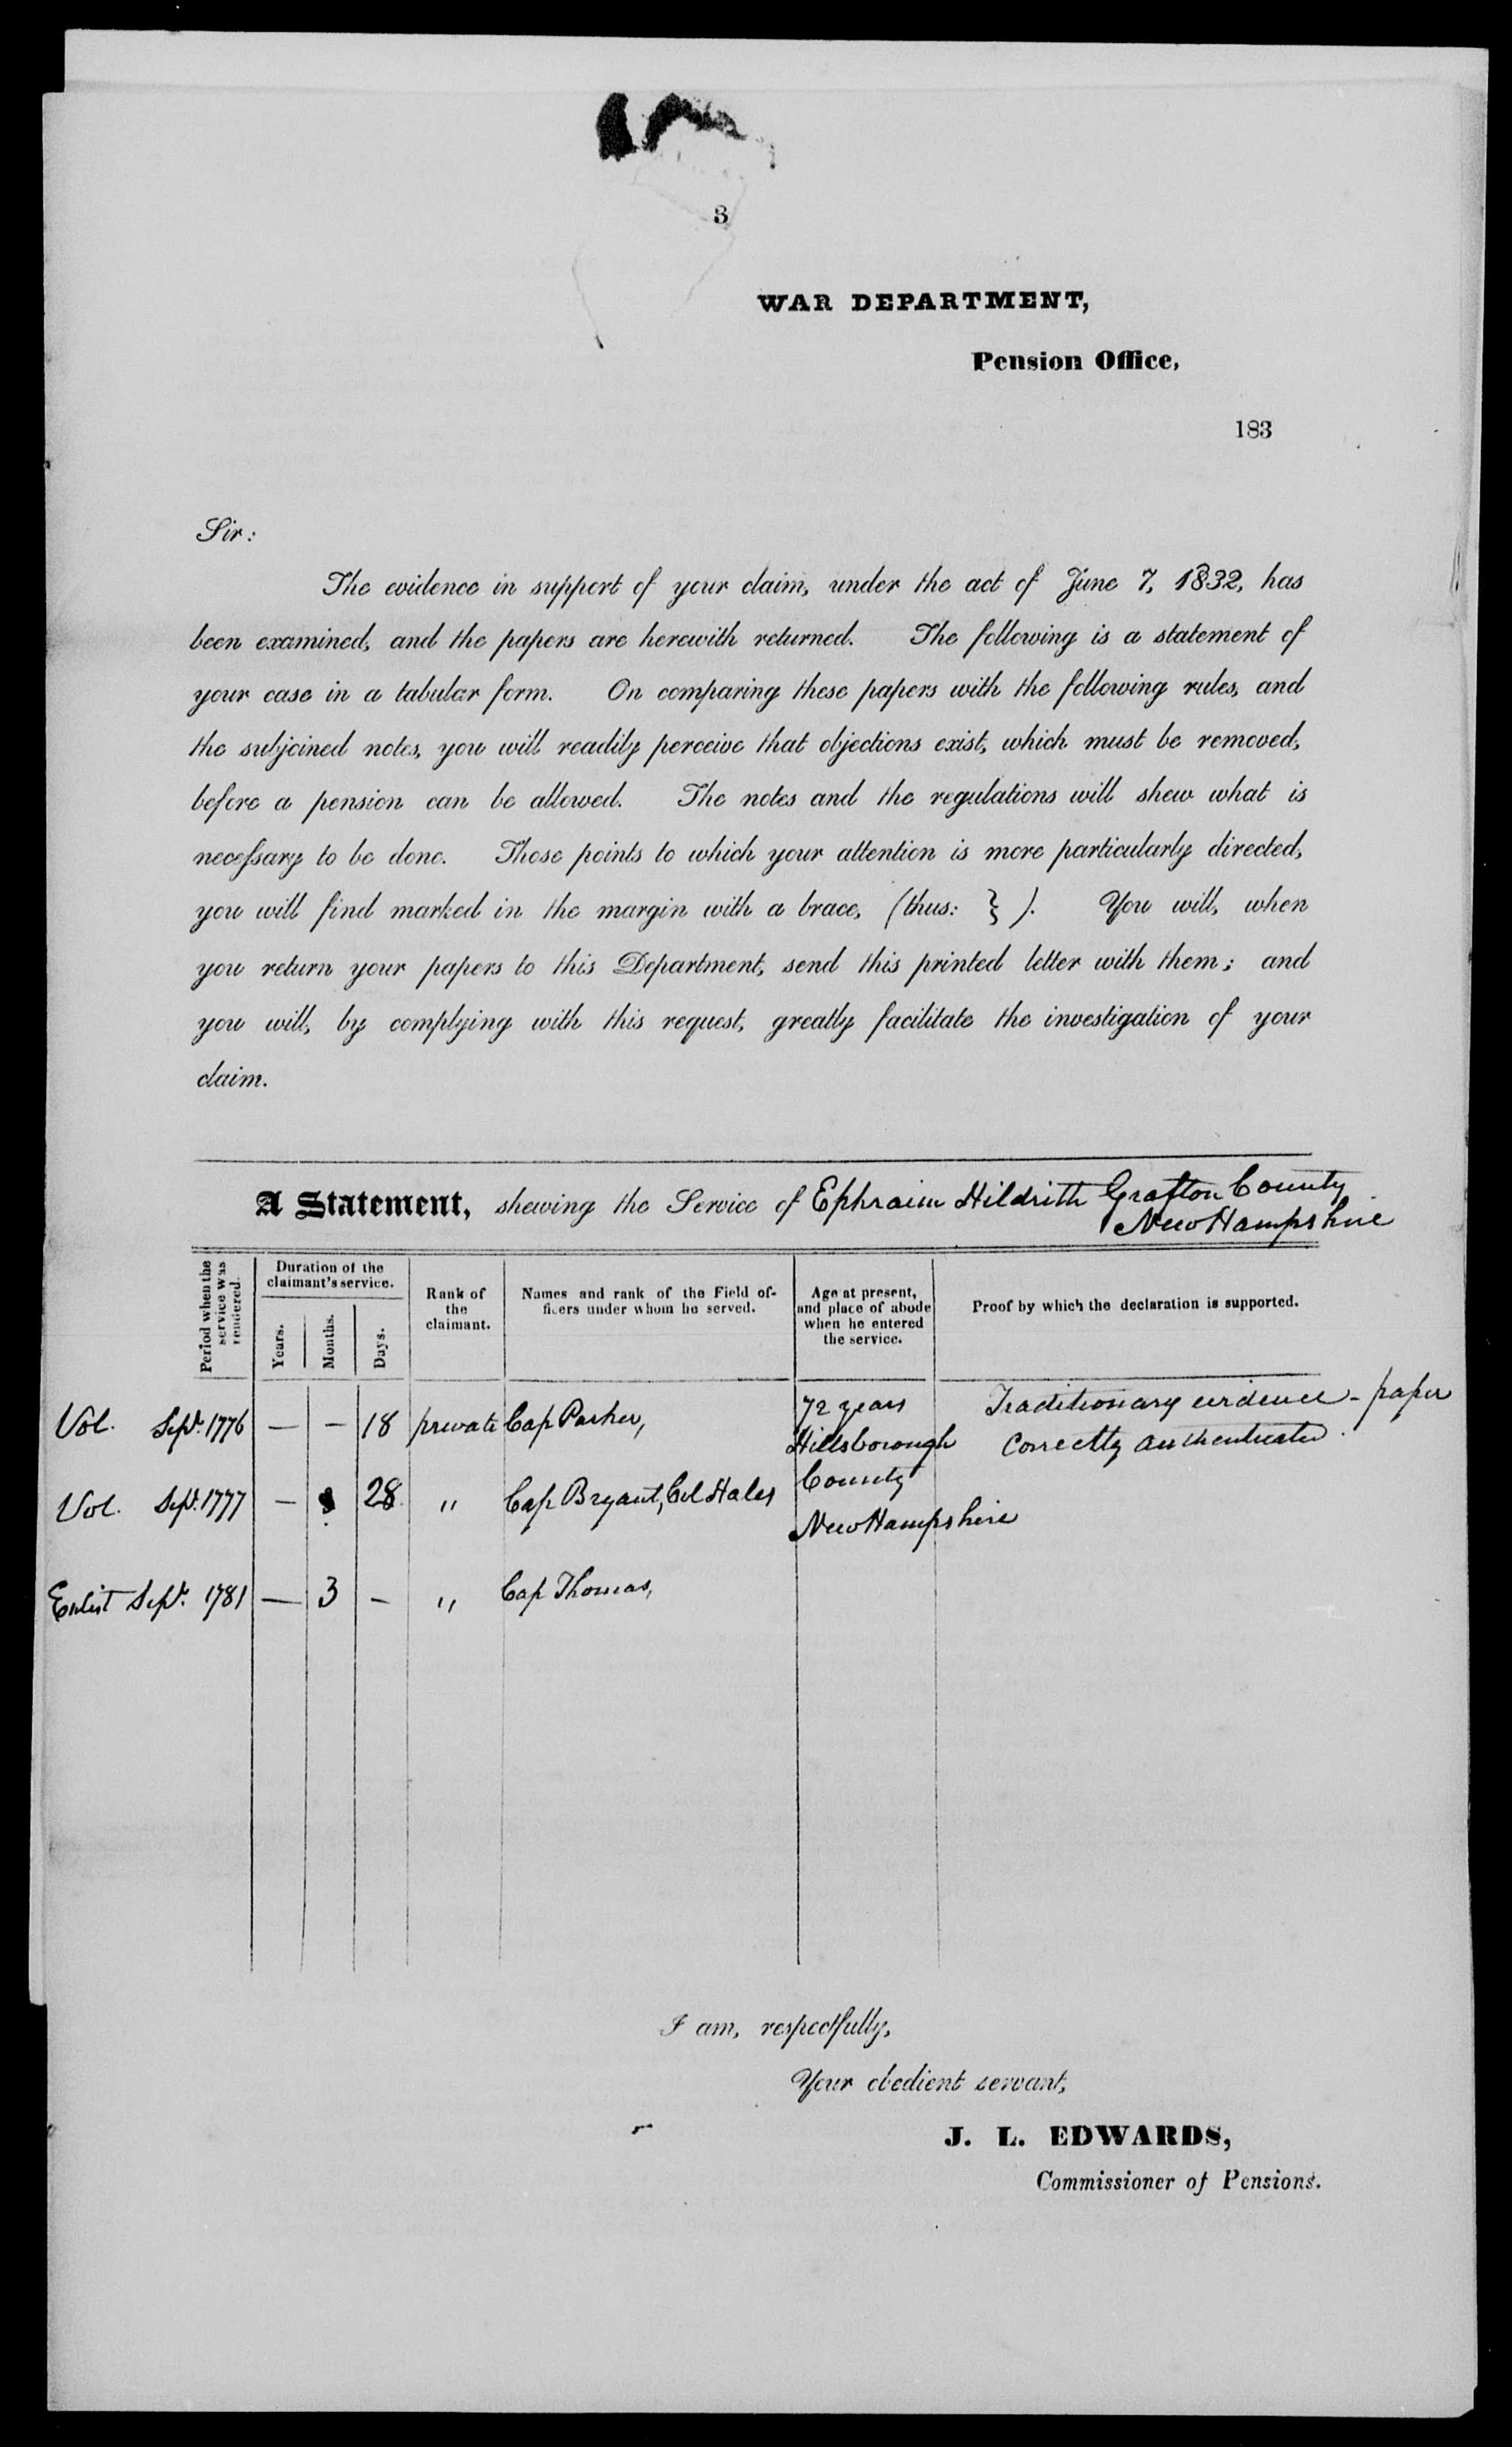3

WAR DEPARTMENT,

Pension Office

183

Sir:

The evidence in support of your claim, under the act of June 7, 1832, has been examined, and the papers are herewith returned. The following is a statement of your case in a tabular form. On comparing these papers with the following rules, and the subjoined notes, you will readily perceive that objections exist, which must be removed, before a pension can be allowed.   The notes and the regulations will shew what is necessary to be done. Those points to which your attention is more particularly directed, you will find marked in the margin with a brace, (thus: }). You will, when you return your papers to this Department, send this printed letter with them; and you will, by complying with this request, greatly facilitate the investigation of your
claim.
(table begins) 

A Statement, showing the service of Ephraim Hildrith Grafton County New Hampshire 

Period when the
service was
rendered.
Vol(unteered) Sept(ember) 1776
Vol(unteered) Sept(ember) 1777
Enlist(ed) Sept(ember) 1781

Duration of the
claimant's service.
Years  Months   Days 
---         ---         18
---                       28
---          3           ---

Rank of the claimant.
Private
(ditto)
(ditto)

Names and rank of the Field officers
under whom he served.
Cap(tain) Parker,
Cap(tain) Bryant, Col(onel) Hales
Cap(tain) Thomas

Age at present,
and place of abode
when he entered ┃
the service.

72 years 
Hillsborough
County 
New Hampshire 


Proof by which the declaration is supported.

Traditionary evidence - paper
correctly authenticated

I am respectfully 
Your obedient servant,
J. L. EDWARDS,
Commissioner of Pensions.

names: Ephraim Hildrith, Bryant, Hales, J L Edwards, Parker, Thomas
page: 5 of 17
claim: rejected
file: R. 4989, Ephraim Hildreth, N.H.